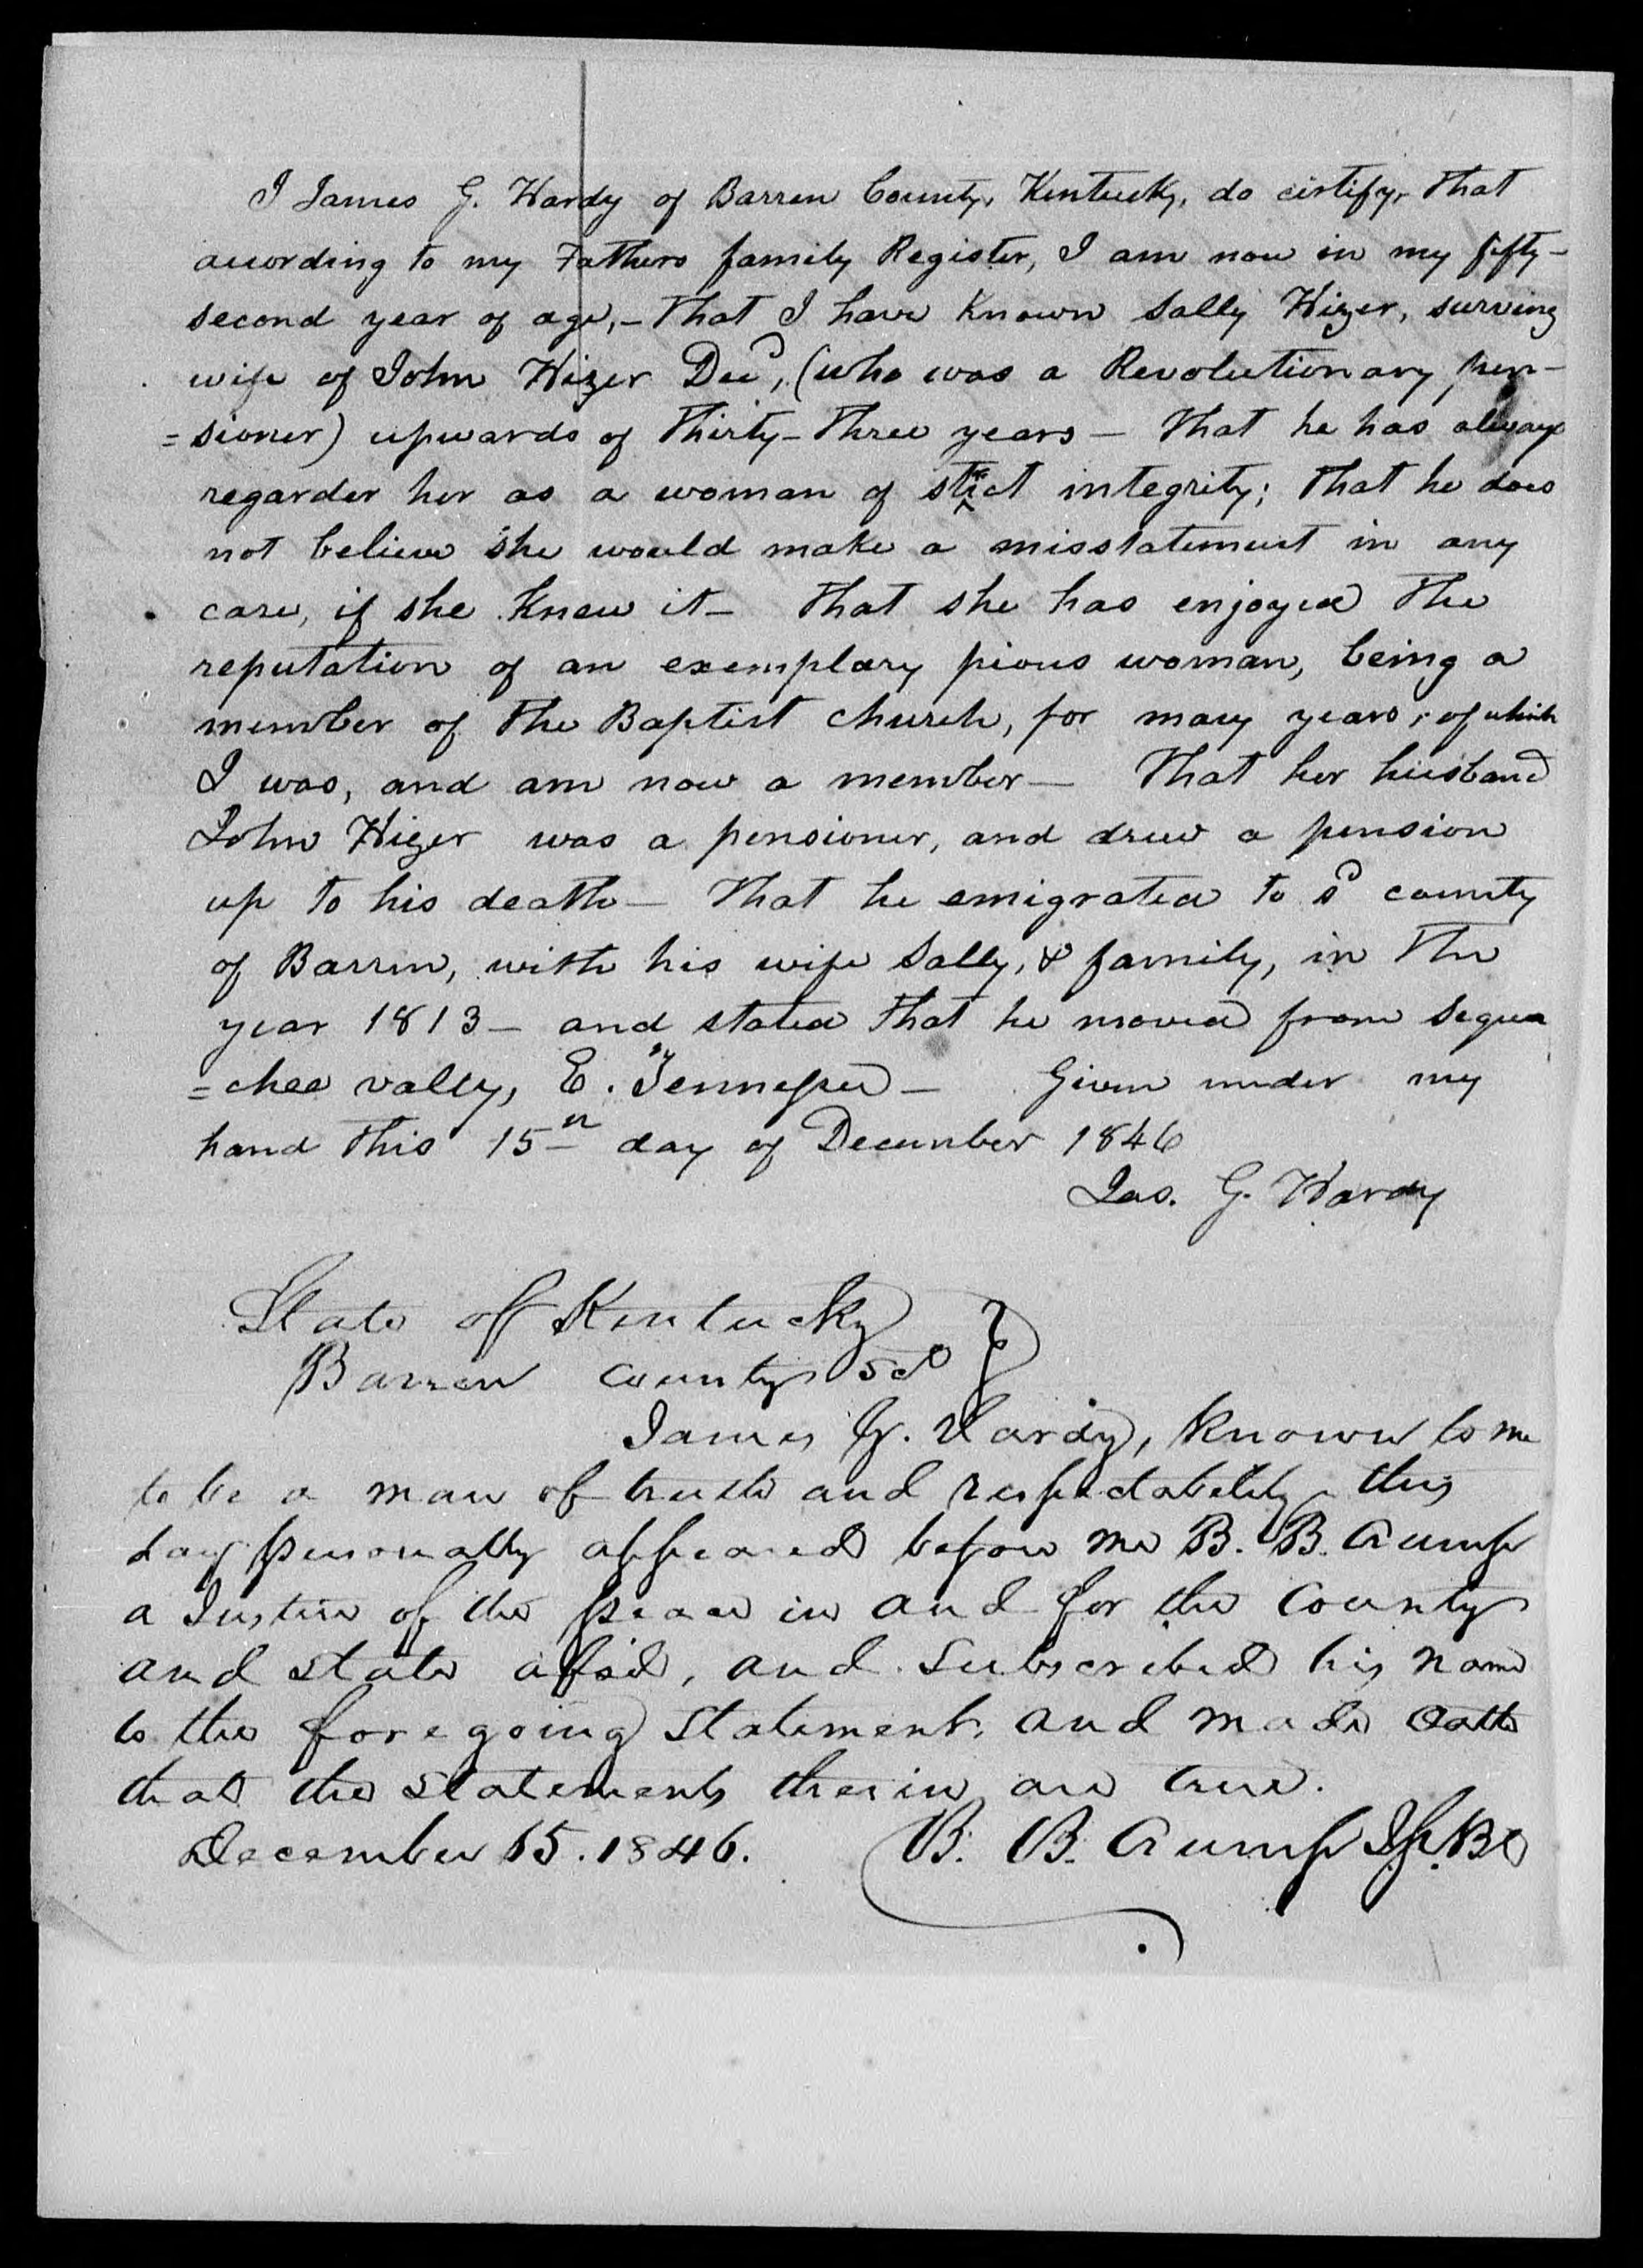I James G. Hardy of Barren County, Kentucky, do certify that according to my Fathers family Register, I am now in my fifty-second year of age, - That I have known Sally Hizer surviving wife of John Sizer Dec'd, (who was a Revolutionary pensioner) upwards of Thirty-Three years - That he has always regarded her as a woman of strict integrity; that he does not believe she would make a misstatement in any case, if she knew it - That she has enjoyed the reputation of an exemplary pious woman, being a member of the Baptist church, for many years, of which I was, and am now a member - That her husband John Hizer was a pensioner, and drew a pension up to his death - That he emigrated to s'd county of Barren, with his wife Sally & family, in the year 1813 - and stated that he moved from (illegible) Vally, E. Tennessee - Given under my hand this 15th day of December 1846
                               Jas. G. Hardy

State of Kentucky 
Barren County Sct

James G. Hardy, known to me to be a man of truth and respectability this day personally appeared before me B. B. Crump a Justice of the Peace in and for the county and state afs'd and subscribed his name to the foregoing Statement and made oath that the Statements therein are true.
December 15, 1846. 
                                    B. B. Crump JPBC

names: Sally, Jas G Hardy, James G Hardy, John Hizer, John Hizer, Sally Hizer, B B Crump, James G Hardy, B B Crump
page: 47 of 58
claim: widow's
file: W. 8932, John Hiser, Penn.